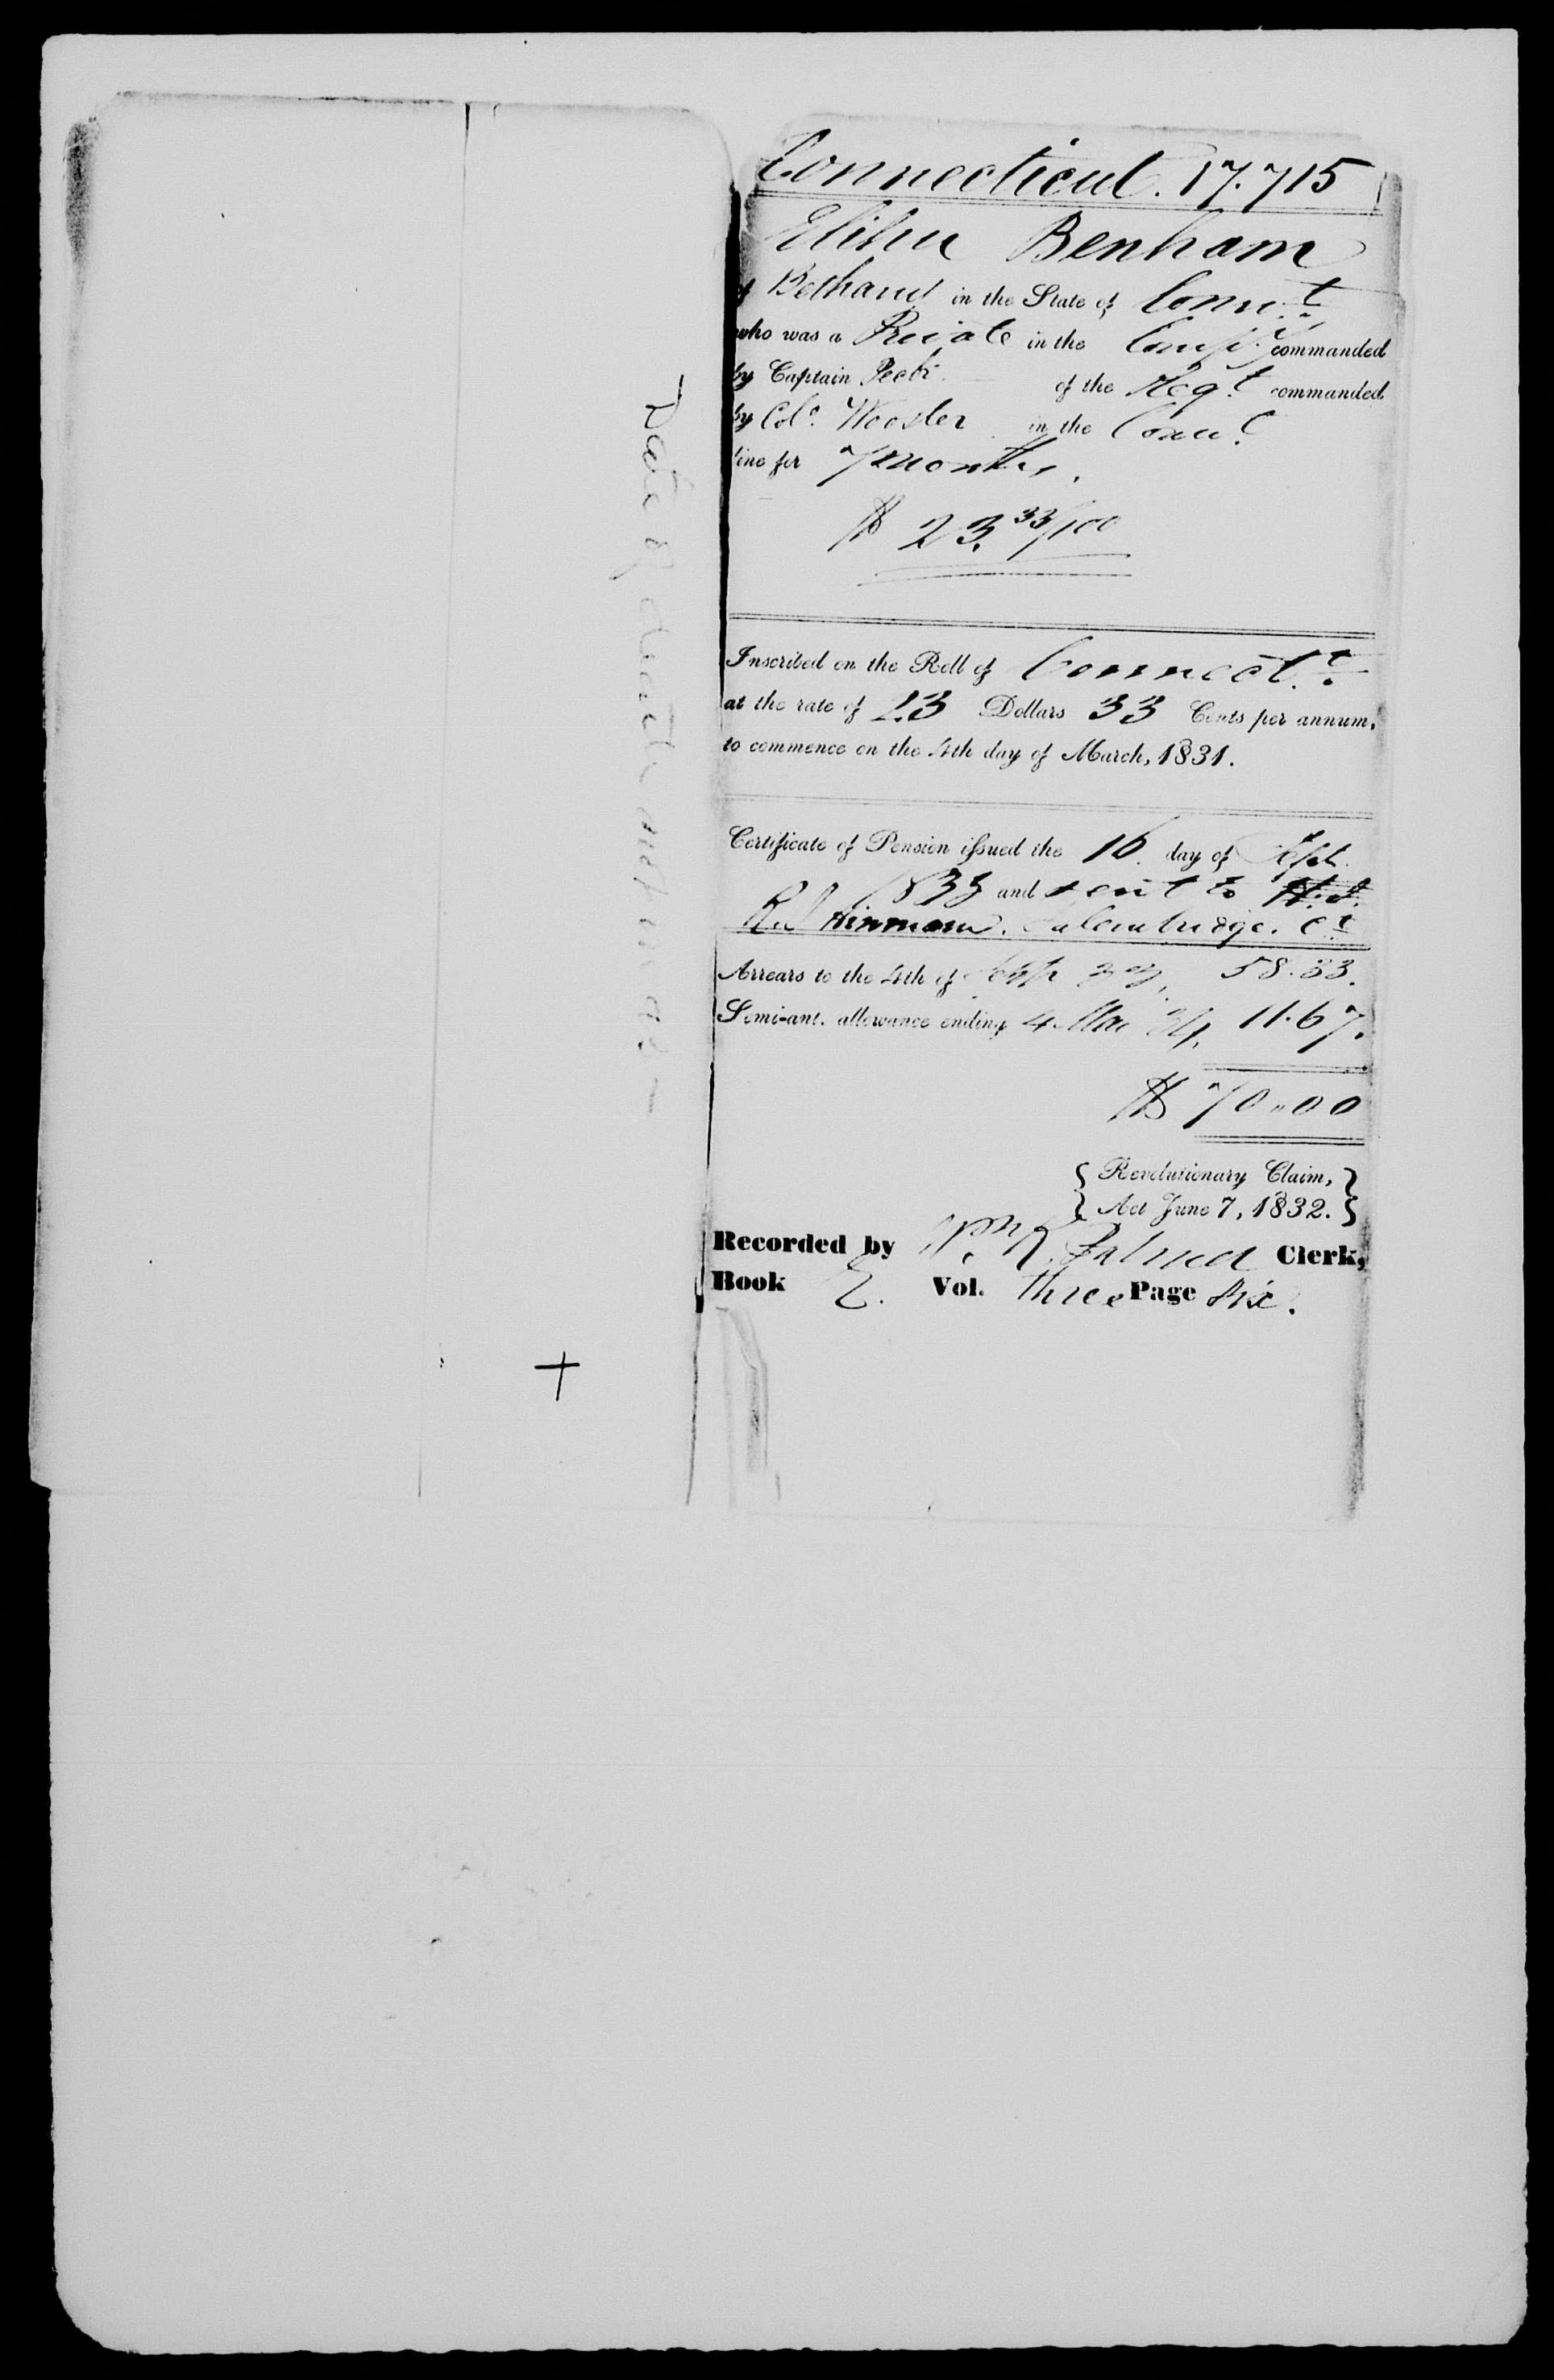Date of death [illegible] [written in margin]

Connecticut. 1775 ┃
 Elihu Benham 
of Bethany in the State of Connct 
who was a Private in the Compy commanded by Captain Peck of the Regt commanded by Col. Wooster in the Connect. line for 7 months.
 $ 23. 33/100  |
Inscribed on the Roll of Connect at the rate of 23 Dollars 33 Cents per annum to commence on the 4th day of March, 1831. |
Certificate of Pension issued the 16 day of [illegible] 1833 and sent to R.S. Hinman Salembridge, CT |
 Arrears to the 4th of Sep 83, 58.33
 Semi-ant. allowance ending 4 Mar 84, 11.67 
 $70,00 ┃
{Revolutionary Claim, Act June 7, 1832}
 Recorded by R. Palmer Clerk
Book E Vol. three Page five.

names: R S Hinman, Elihu Benham, Wm R Palmer, Wooster, Peck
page: 2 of 45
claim: survivor's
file: S. 15748, Elihu Benham, Conn.